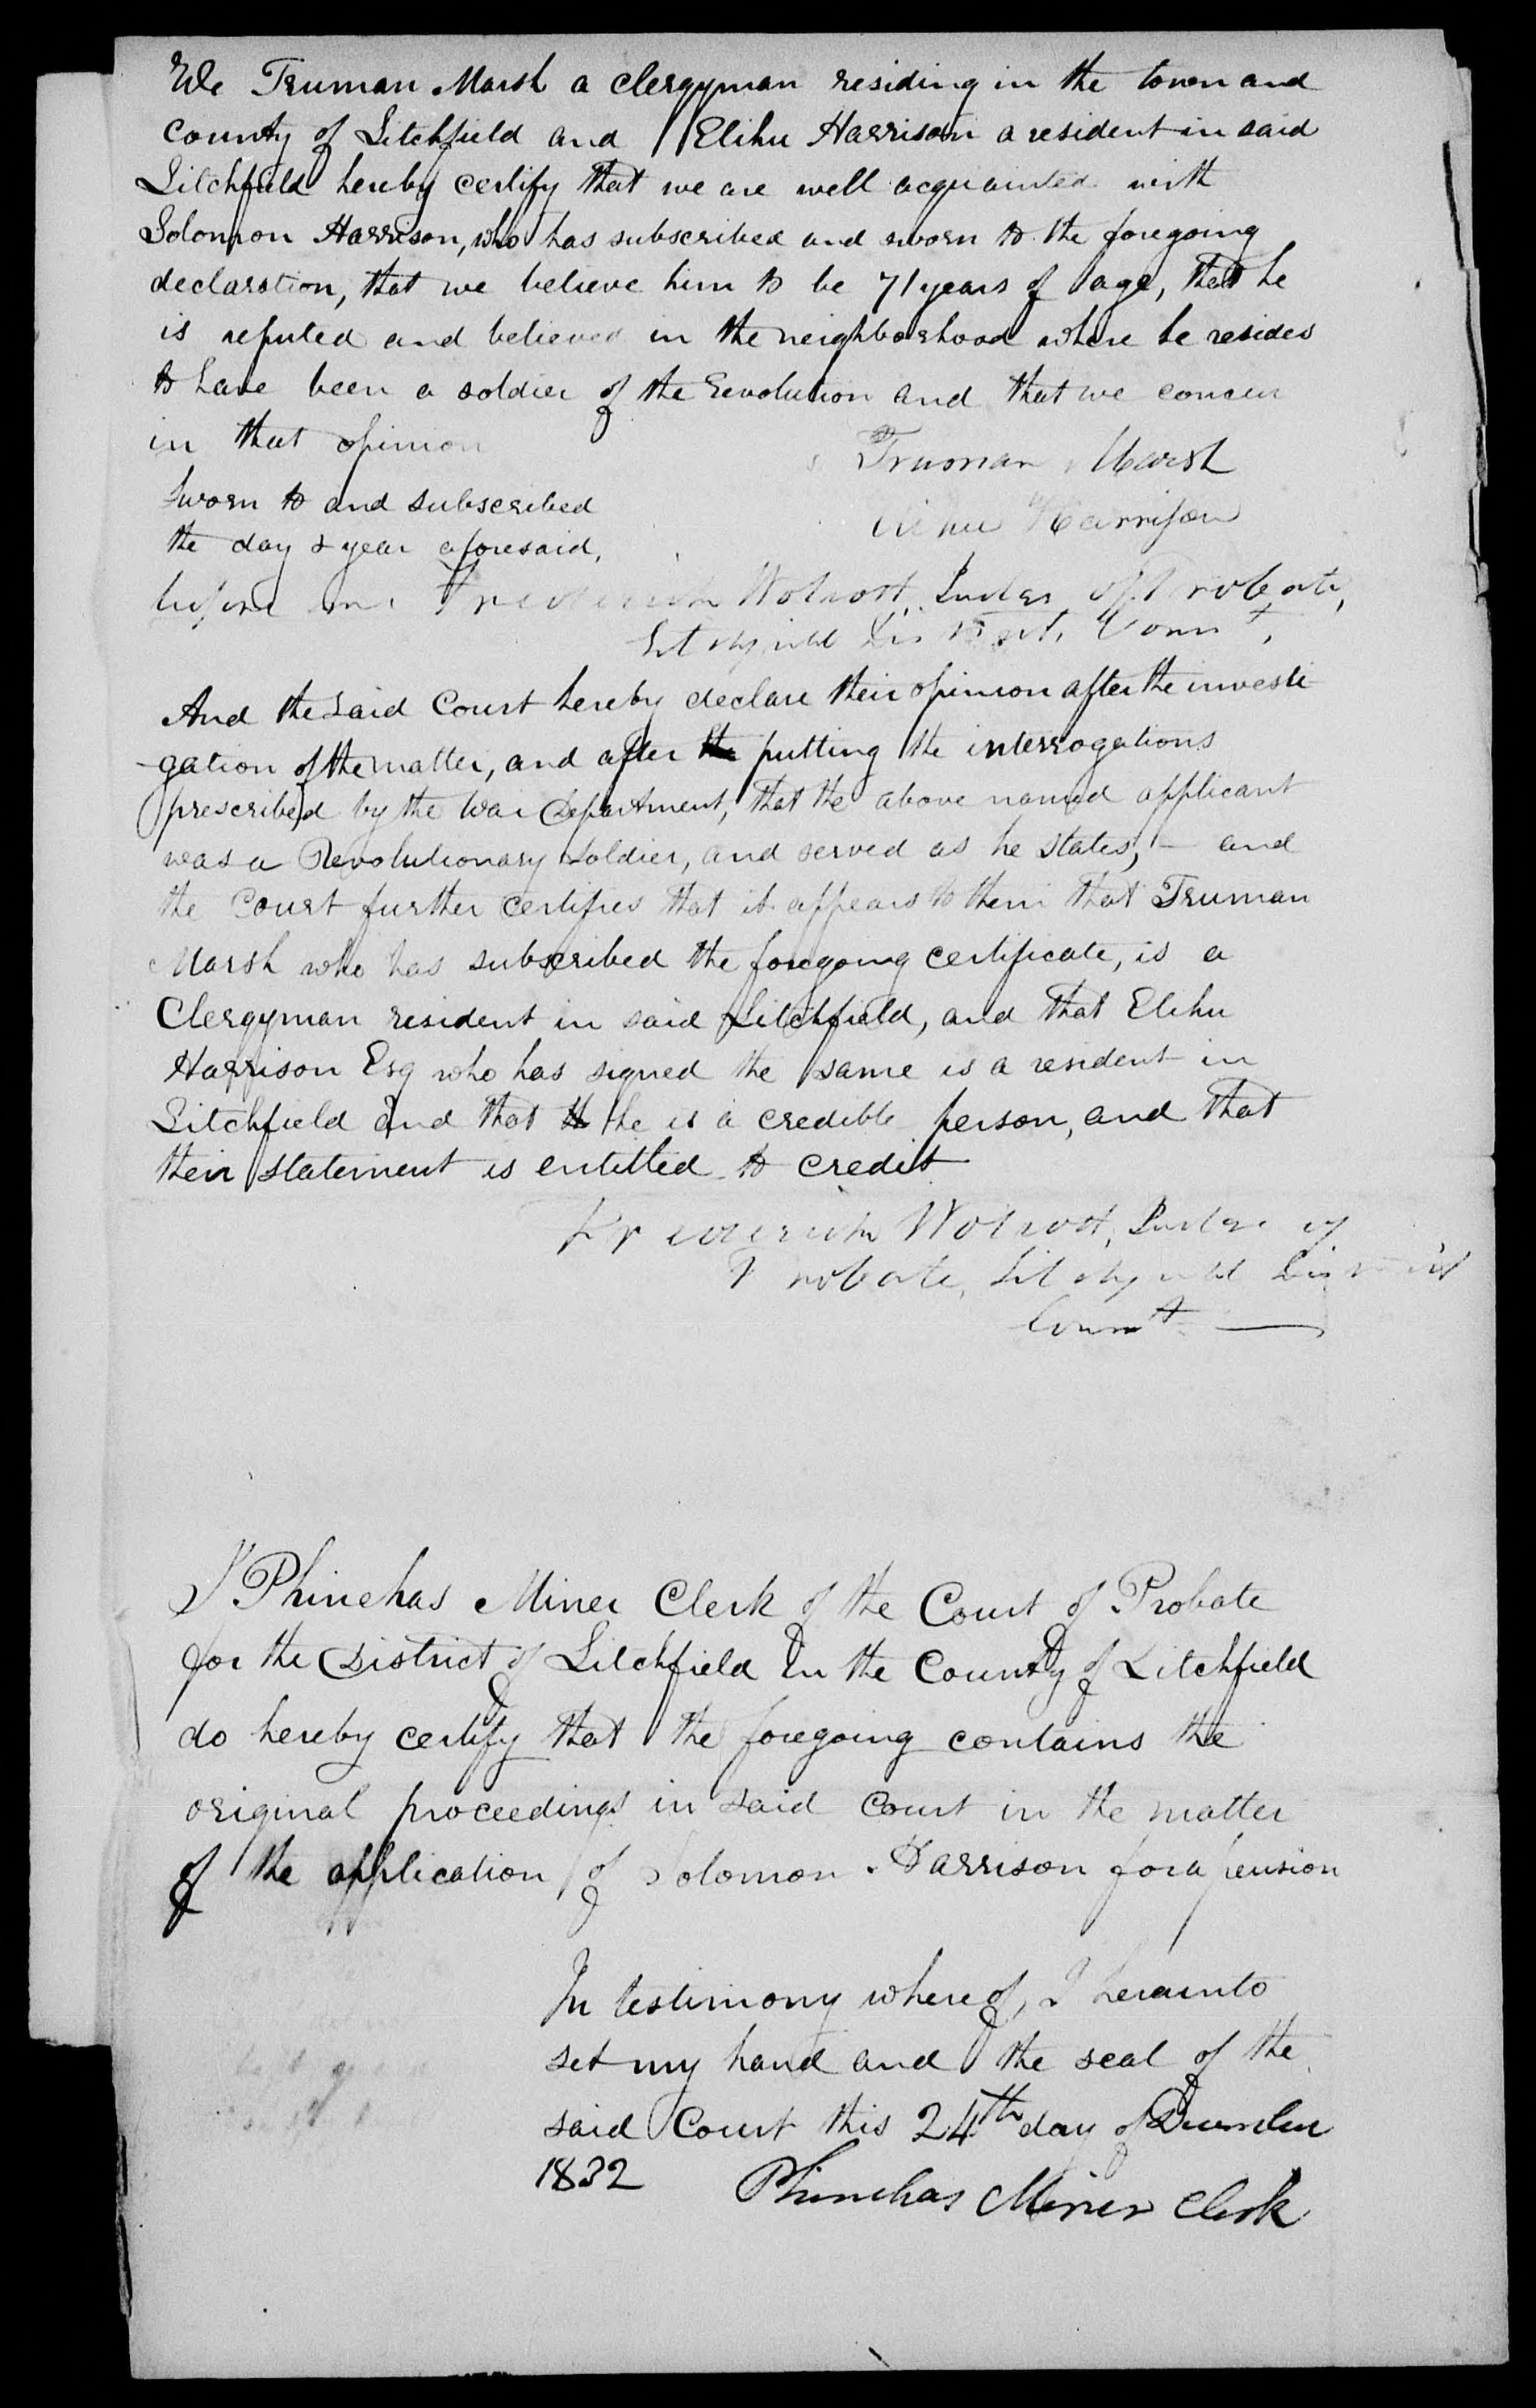We Truman Marsh a clergyman residing in the town and County of Litchfield and Elihu Harrison a resident in said Litchfield hereby certify that we are well acquainted with Solomon Harrison, who has subscribed and sworn to the foregoing declaration, that we believe him to be 71 years of age, that he is reputed and believed in the neighborhood where he resides to have been a soldier of the revolution and that we concur in that opinion

Truman March
Elihu Harrison

Sworn to and subscribed the day & year aforesaid before in Frederick Wolcott Judge of Probate, Litchfield District, Connt.

And the said Court hereby declare their opinion after the investigation of the matter, and after putting the interrogations prescribed by the war department, that the above named applicant was a Revolutionary soldier, and served as he states; and the Court further certifies that it appears to them that Truman Marsh who has subscribed the foregoing certificate, is a Clergyman resident in said Litchfield, and that Elihu Harrison Esq who has signed the same is a resident in Litchfield and that he is a credible person, and that their statement is entitled to credit.
Frederick Wolcott, Judge of Probate, Litchfield District, Connt.

I Phinehas Miner Clerk of the Court of Probate for the District of Litchfield in the County of Litchfield do hereby certify that the foregoing contains the original proceedings in said Court in the matter of the application of Solomon Harrison for a pension. 

In testimony whereof, I hereunto set my hand and the seal of the said Court this 24th day of December 1832
Phinehas Miner Clerk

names: Solomon Harrison, Elihu Harrison, Truman Marsh, Elihu Harrison, Phinehas Miner, Elihu Harrison, Truman Marsh, Solomon Harrison, Frederick Wolcott, Phinehas Miner, Truman Marsh, Frederick Wolcott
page: 6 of 22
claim: survivor's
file: S. 16137, Solomon Harrison, Conn.